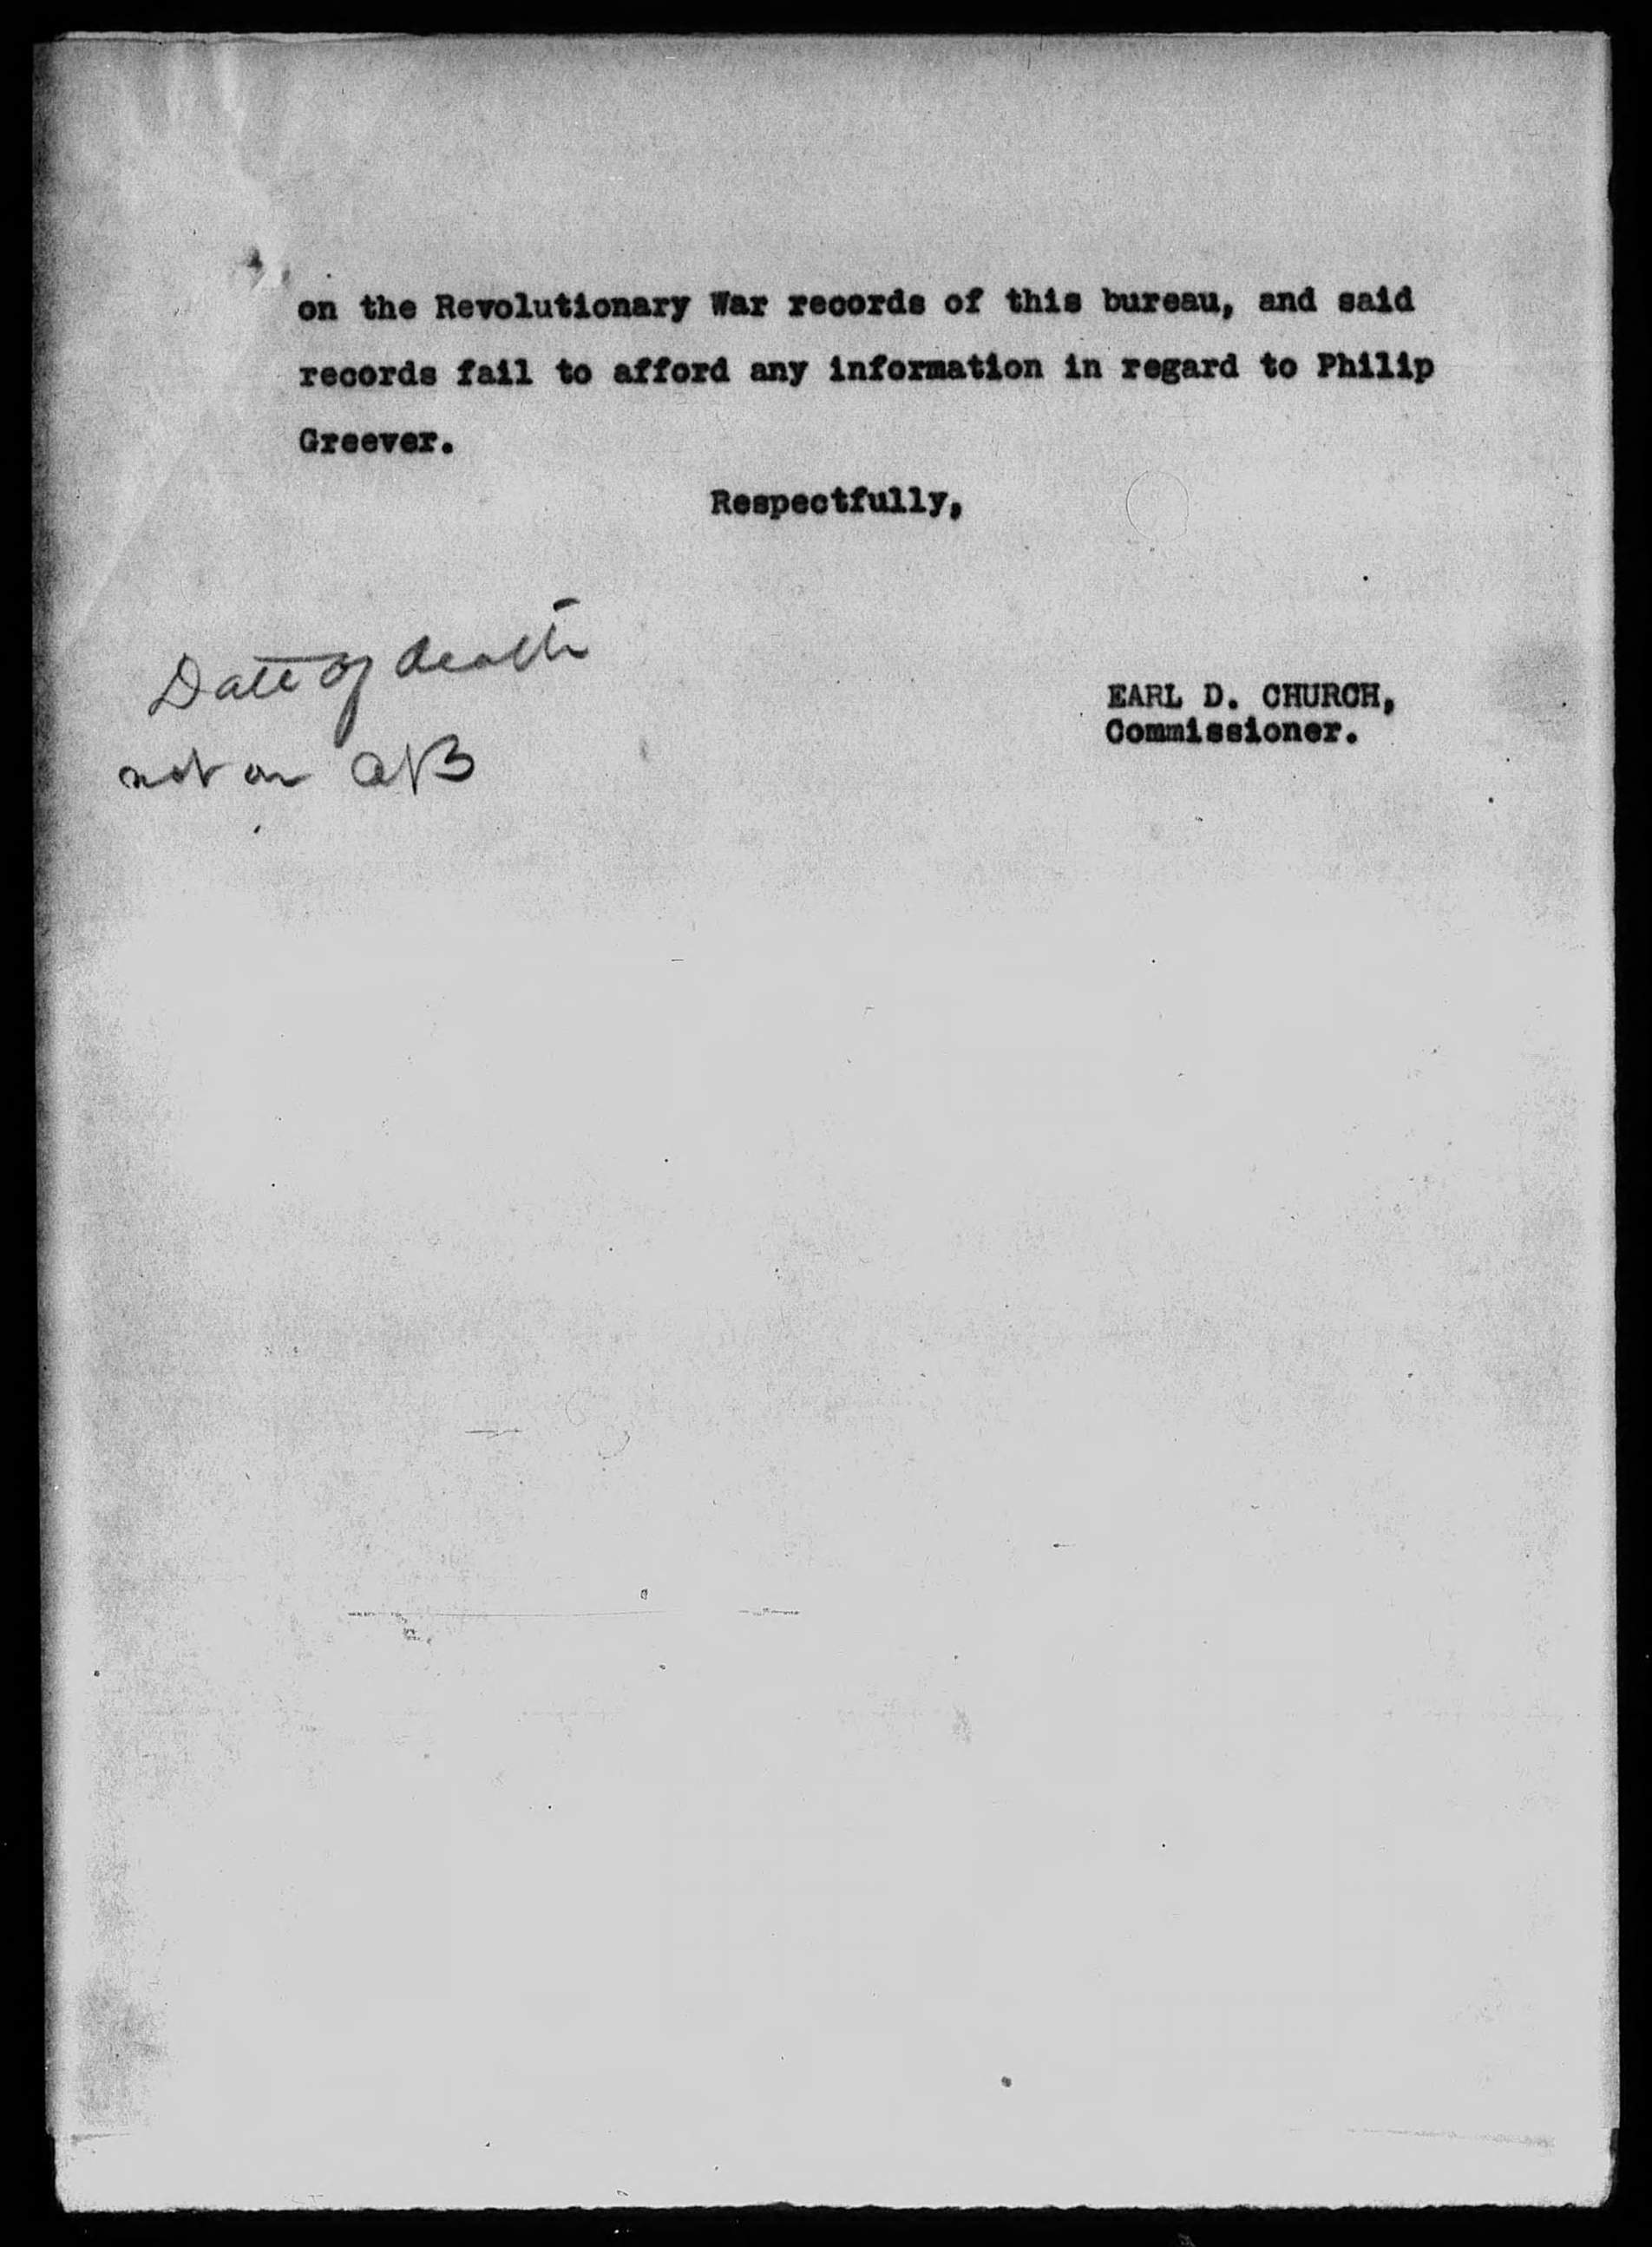on the Revolutionary War records of this bureau and said records fail to afford any information in regard to Philip Greever.

Respectfully

Earl D Church
Commissioner

Date of Death not on AB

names: Earl D Church, Philip Greever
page: 13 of 18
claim: survivor's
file: S. 15,884, John Hennigar, Md.